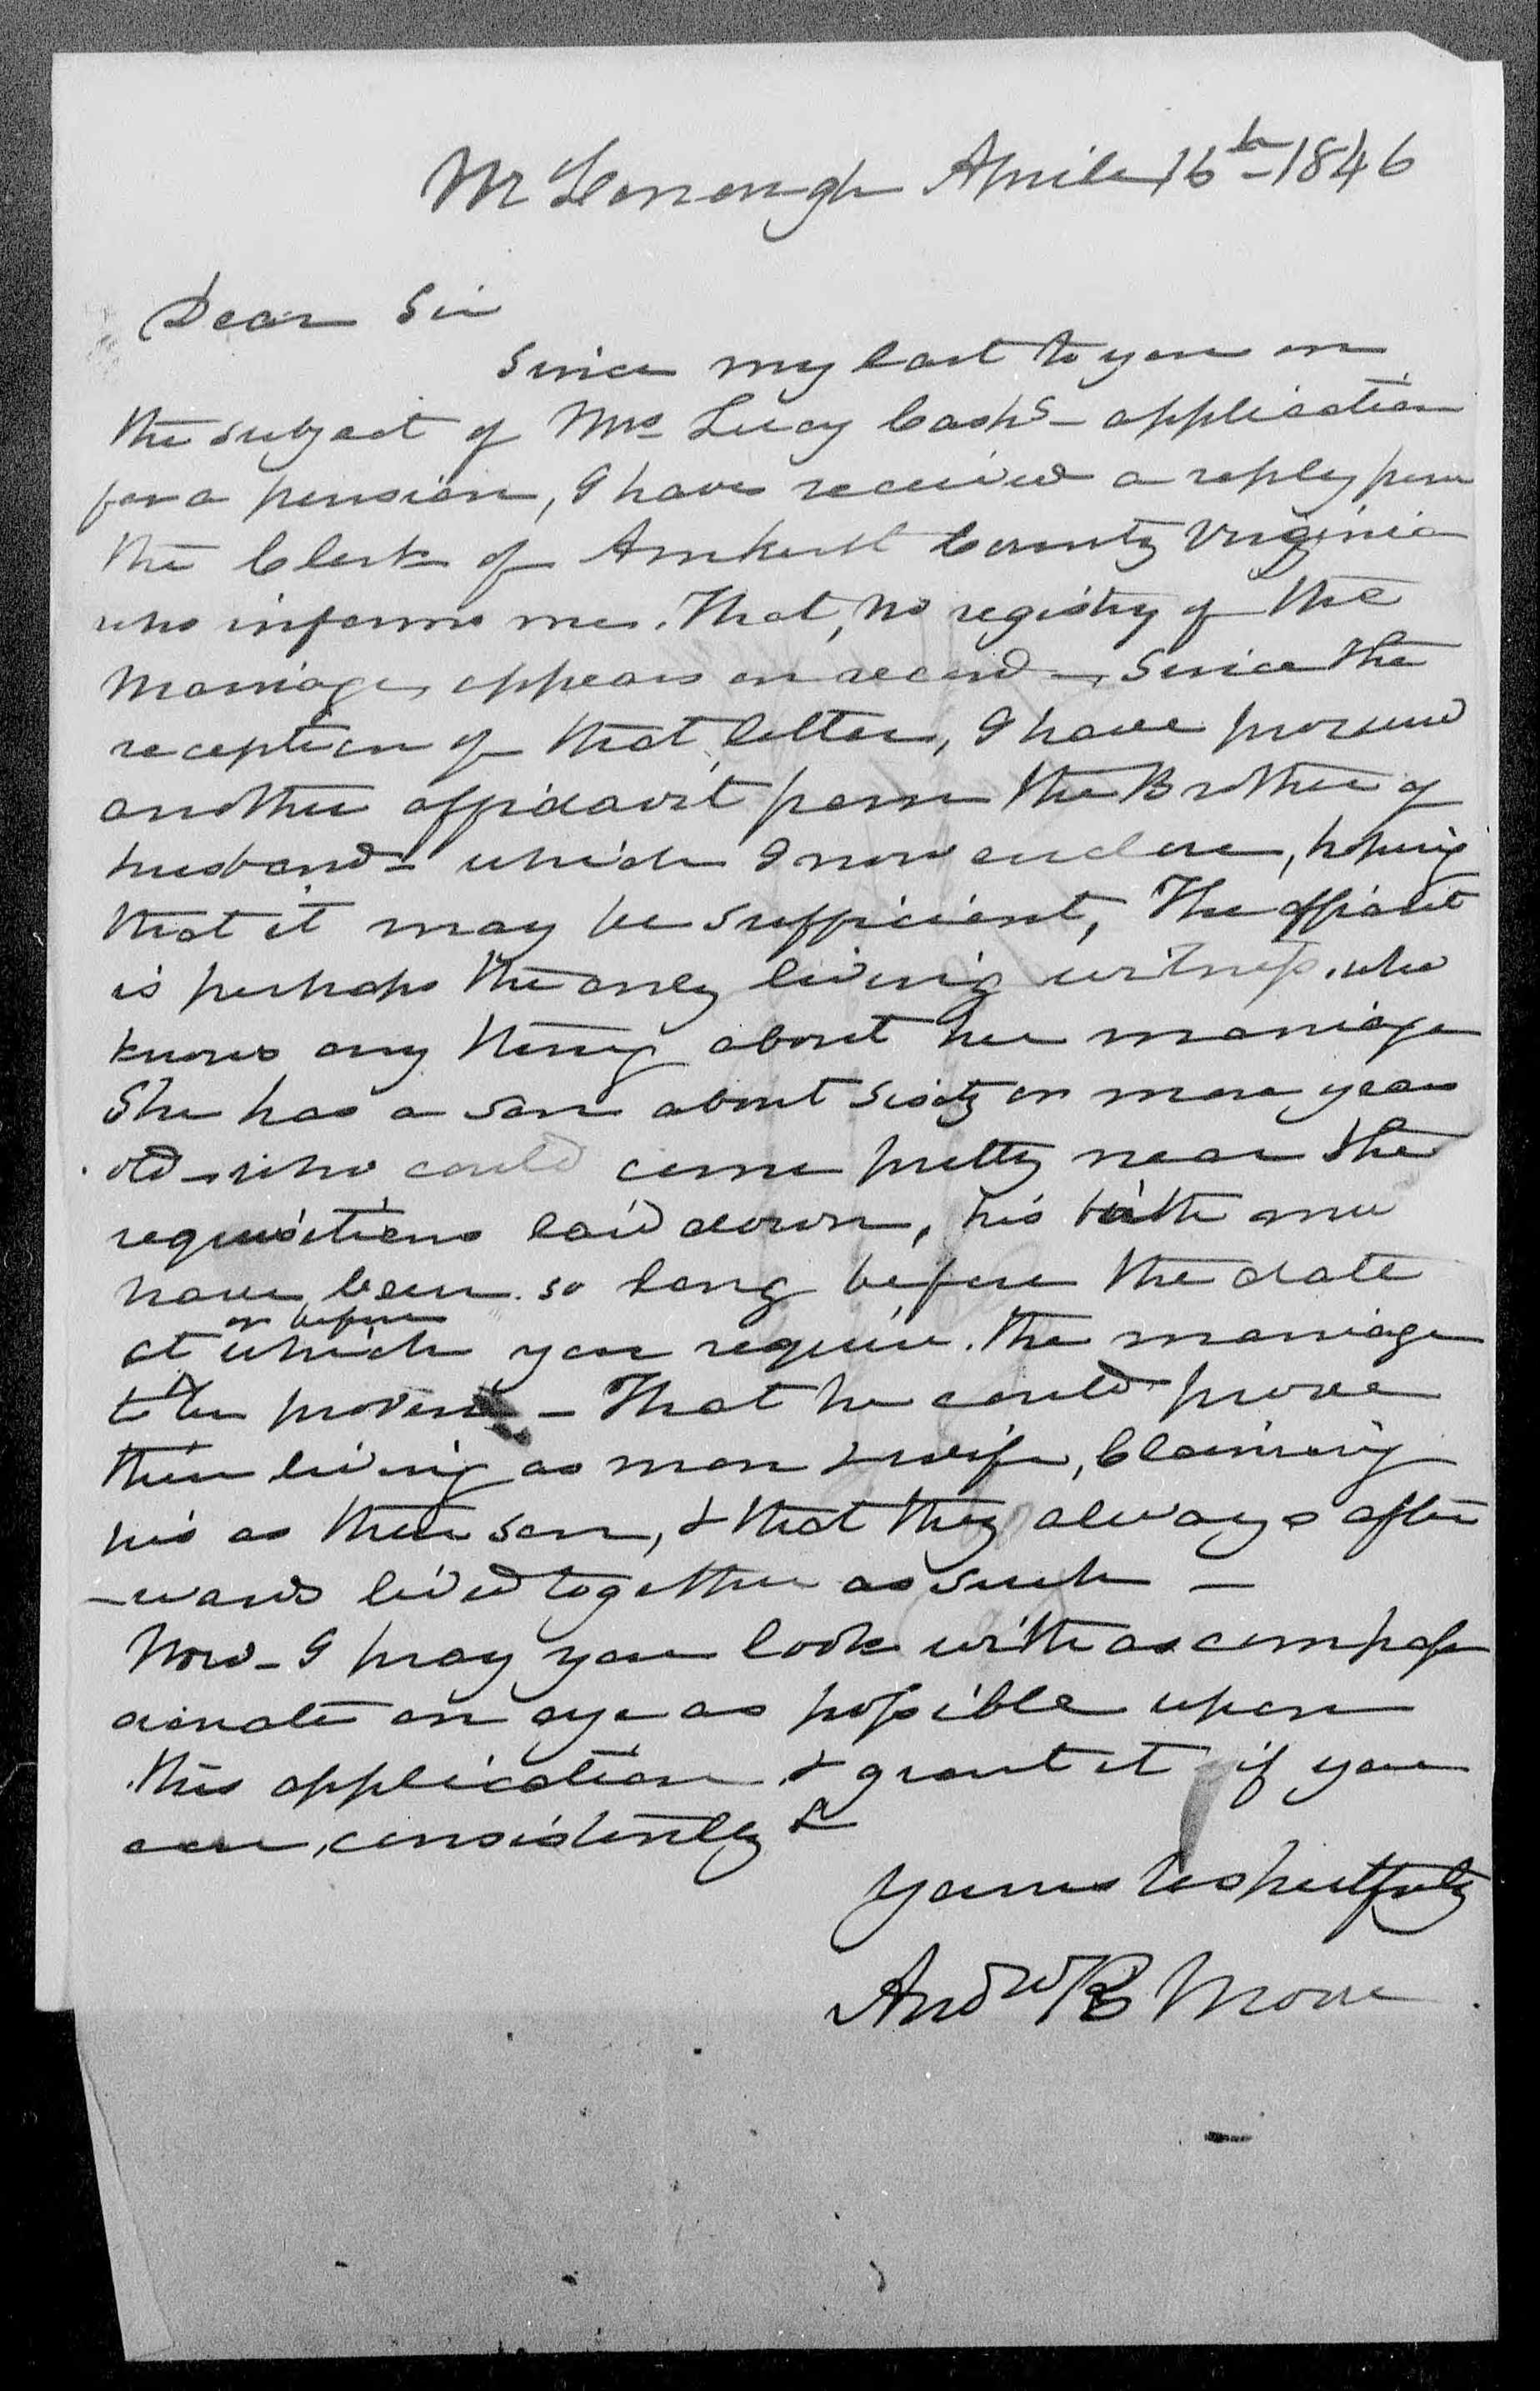McDonough April 16th 1846
Dear Sir
Since my last to you in
the subject of Mrs Lucy Cash's application for a pension, I have received a reply from the Clerk of Amherst County Virginia who informed me. That no registry of the marriage appears on record. Since the reception of that letter, I have proved another affidavit from the Brother of the
husband which I now enclose, hoping
that it may be sufficient. The first
is perhaps the only living witness, who
knows any thing about her marriage.
s
She has a son about sixty or many years
old who could come pretty near the
requisitions laid down, his birth
have been so long before the date
which you require the marriage
to be proved That he could prove
them living as man & wife, Claiming
him as the son, & that they always after
wards lived together as such.
Now I pray you look with as compassionate eyes as possible upon this application and grant it if you can consistently.
Yours Respectfully
Andrew Moore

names: Andw R Moore, Lucy Cash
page: 47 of 73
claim: widow's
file: W. 5,894, John Cash, Va.